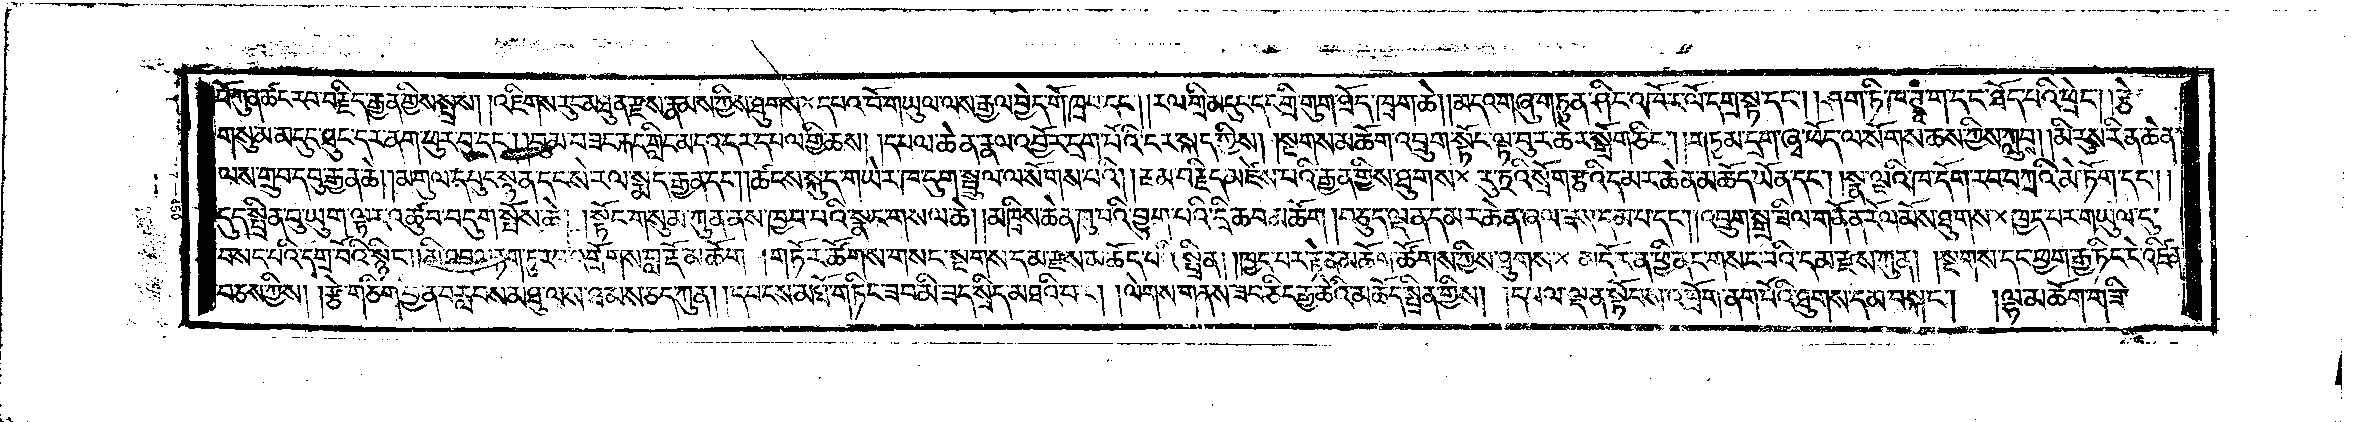པོ་ཀུན་ཚང་རབ་བརྗིད་རྒྱན་གྱིས་སྤྲས། །འཇིགས་རུང་མཐུན་རྫས་རྣམས་ཀྱིས་ཐུགས་྾་དཔའ་བོ་གཡུལ་ལས་རྒྱལ་བྱེད་གོ་ཁྲབ་དང་། །རལ་གྲི་མདུང་དང་གྲི་གུག་ཐོད་ཁྲག་ཆེ། །མདའ་གཞུ་གཏུན་ཤིང་འཁོར་ལོ་དགྲ་སྟ་དང་། །ཤག་ཏི་ཁ་ཊྭཱཾ་ག་དང་ཐོད་པའི་ཕྲེང་། །རྩེ་
གསུམ་མདུང་ཐུང་དར་ནག་ཕུར་བུ་དང་། །བུམ་བཟང་རྐང་གླིང་མདའ་དར་དཔལ་གྱི་ཆས། །དཔལ་ཆེན་རྣལ་འབྱོར་དྲག་པོའི་ངར་སྐད་ཀྱིས། །སྔགས་མཆོག་འབྲུག་སྟོང་ལྟ་བུར་ཆེར་སྒྲོག་ཅིང་། །གཏུམ་དྲག་ཞྭ་ཕོད་ལ་སོགས་ཆས་ཀྱིས་ཀླུབས། །མི་རུས་རིན་ཆེན་
ལས་གྲུབ་དབུ་རྒྱན་ཆེ། །མགུལ་དཔུང་སྙན་དང་སེ་རལ་སྨད་རྒྱན་དང་། །ཚངས་སྐུད་གཡེར་ཁ་དུག་སྤྲུལ་ལ་སོགས་པའི། །རྔ་མ་བརྗིད་མཛེས་པའི་རྒྱན་གྱིས་ཐུགས་྾་རུ་ཏྲཱི་སྲོག་རྩའི་དམར་ཆེན་མཆོད་ཡོན་དང་། །སྣ་ལྔའི་ཁ་དོག་རབ་བཀྲའི་མེ་ཏོག་དང་། །
དུད་སྤྲིན་བུ་ཡུག་ལྟར་འཚུབ་བདུག་སྤོས་ཆེ། །སྟོང་གསུམ་ཀུན་ནས་ཁྱབ་པའི་སྣང་གསལ་ཆེ། །མཁྲིས་ཆེན་ཁུ་བའི་བྱུག་པའི་དྲི་ཆབ་མཆོག །བཅུད་ལྡན་དམར་ཆེན་ཞལ་ཟས་དམ་པ་དང་། །འབྲུག་སྒྲ་ཟིལ་གནོན་རོལ་མོས་ཐུགས་྾་ཁྱད་པར་གཡུལ་དུ་
བསང་བའི་དགྲ་བོའི་སྙིང་། །མི་འབྲལ་རྟག་ཏུ་རབ་འགྲོགས་བླ་རྡོ་མཆོག །གཏོར་ཚོགས་གསང་སྔགས་དམ་རྫས་མཆོད་པའི་སྤྲིན། །ཁྱད་པར་རྟེན་མཆོག་ཚོགས་ཀྱིས་ཐུགས་྾་མདོར་ན་ཕྱི་ནང་གསང་བའི་དམ་རྫས་ཀུན། །སྔགས་དང་ཕྱག་རྒྱ་ཏིང་ངེ་འཛིན་
བཅས་ཀྱིས། །རྩེ་གཅིག་བྱིན་བརླབས་མཐུ་ལས་ཐམས་ཅད་དུ་ཀུན། །དབངས་མཐོ་གཏིང་ཟབ་མི་ཟད་སྲིད་མཐའི་བར། །ལེགས་གནས་ཟབ་ཅིང་རྒྱ་ཆེའི་མཆོད་སྤྲིན་གྱིས། །དཔལ་ལྡན་སྟོབས་འཕྲོག་ནག་པོའི་ཐུགས་དམ་བསྐང་། །ལྷ་མཆོག་གཟི་